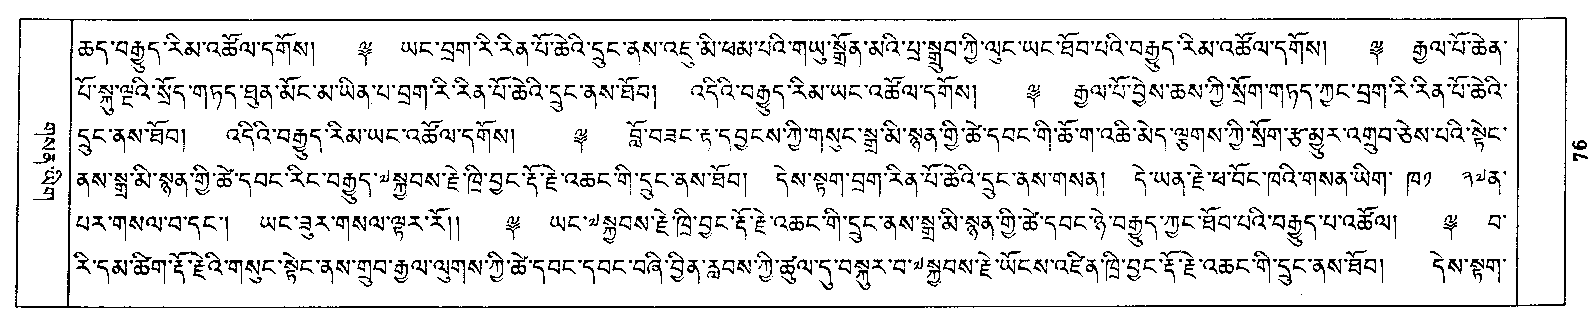ཆད་བརྒྱུད་རིམ་འཚོལ་དགོས། ༈ ཡང་བྲག་རི་རིན་པོ་ཆེའི་དྲུང་ནས་འཇུ་མི་ཕམ་པའི་གཡུ་སྒྲོན་མའི་པྲ་སྒྲུབ་ཀྱི་ལུང་ཡང་ཐོབ་པའི་བརྒྱུད་རིམ་འཚོལ་དགོས། ༈ རྒྱལ་པོ་ཆེན་
པོ་སྐུ་ལྔའི་སྲོད་གཏད་ཐུན་མོང་མ་ཡིན་པ་བྲག་རི་རིན་པོ་ཆེའི་དྲུང་ནས་ཐོབ། འདིའི་བརྒྱུད་རིམ་ཡང་འཚོལ་དགོས། ༈ རྒྱལ་པོ་བྱེས་ཆས་ཀྱི་སྲོག་གཏད་ཀྱང་བྲག་རི་རིན་པོ་ཆེའི་
དྲུང་ནས་ཐོབ། འདིའི་བརྒྱུད་རིམ་ཡང་འཚོལ་དགོས། ༈ བློ་བཟང་རྟ་དབྱངས་ཀྱི་གསུང་སྒྲ་མི་སྙན་གྱི་ཚེ་དབང་གི་ཆོ་ག་འཆི་མེད་ལྕགས་ཀྱི་སྲོག་རྩ་མྱུར་འགྲུབ་ཅེས་པའི་སྟེང་
ནས་སྒྲ་མི་སྙན་གྱི་ཚེ་དབང་རིང་བརྒྱུད་༧་སྐྱབས་རྗེ་ཁྲི་བྱང་རྡོ་རྗེ་འཆང་གི་དྲུང་ནས་ཐོབ། དེས་སྟག་བྲག་རིན་པོ་ཆེའི་དྲུང་ནས་གསན། དེ་ཡན་རྗེ་ཕ་བོང་ཁའི་གསན་ཡིག་ཁ ༡ ༢༧་ན་
པར་གསལ་བ་དང་། ཡང་ཟུར་གསལ་ལྟར་རོ།། ༈ ཡང་༧་སྐྱབས་རྗེ་ཁྲི་བྱང་རྡོ་རྗེ་འཆང་གི་དྲུང་ནས་སྒྲ་མི་སྙན་གྱི་ཚེ་དབང་ཉེ་བརྒྱུད་ཀྱང་ཐོབ་པའི་བརྒྱུད་པ་འཚོལ། ༈ བ་
རི་དམ་ཚིག་རྡོ་རྗེའི་གསུང་སྟེང་ནས་གྲུབ་རྒྱལ་ལུགས་ཀྱི་ཚེ་དབང་དབང་བཞི་བྱིན་རླབས་ཀྱི་ཚུལ་དུ་བསྐུར་བ་༧སྐྱབས་རྗེ་ཡོངས་འཛིན་ཁྲི་བྱང་རྡོ་རྗེ་འཆང་གི་དྲུང་ནས་ཐོབ། དེས་སྟག་